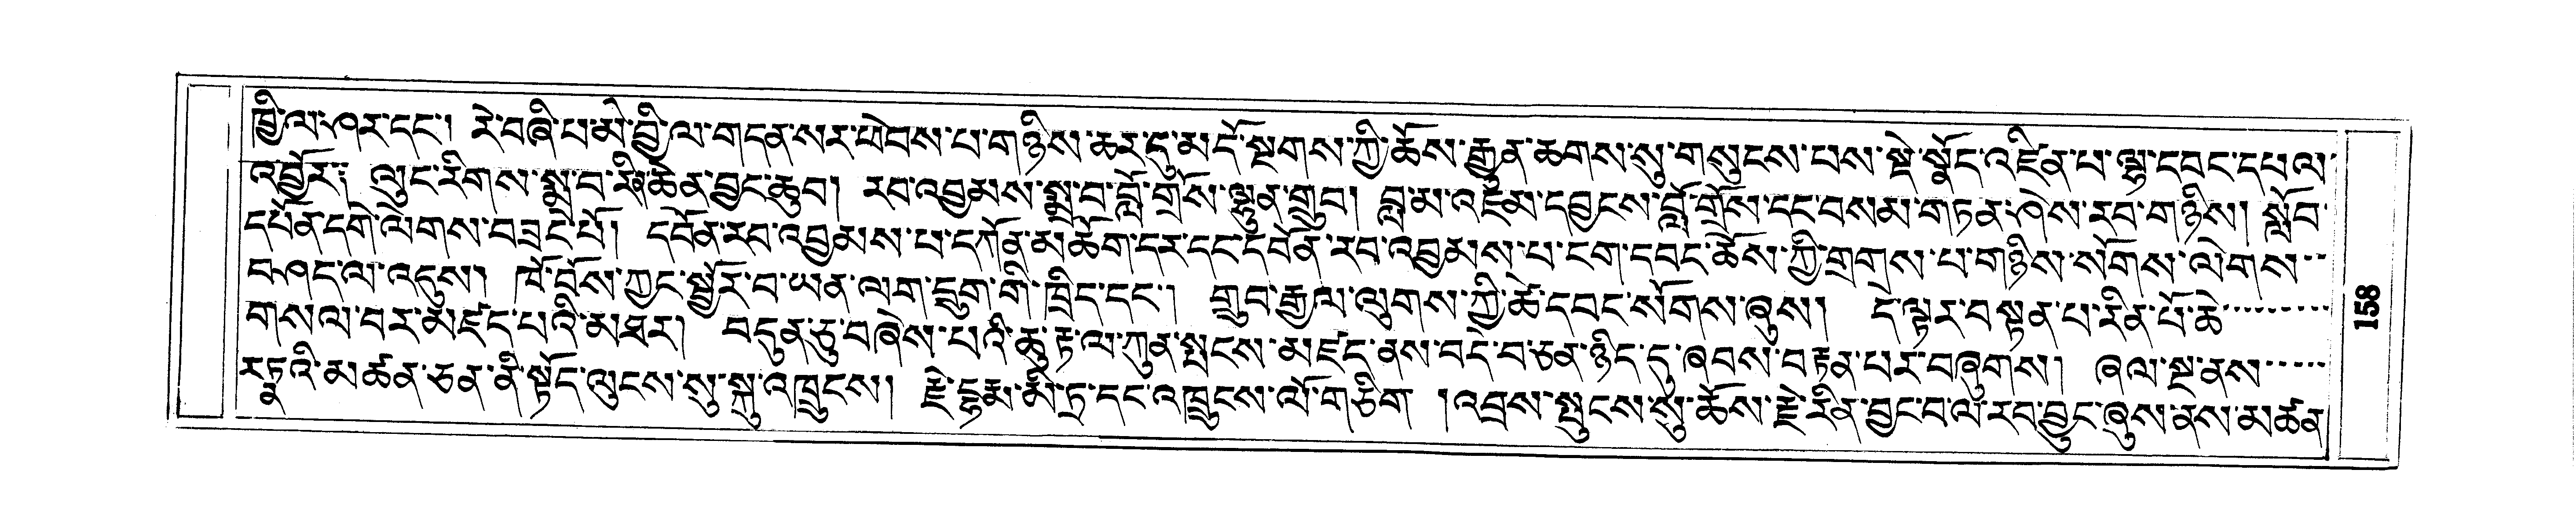ཁྱི་ལ་ཤར་དང་། རེ་བཞི་པ་མེ་བྱི་ལ་གདན་སར་ཕེབས་པ་གཉིས་ཆར་དུ་མདོ་སྔགས་ཀྱི་ཆོས་རྒྱུན་ཆགས་སུ་གསུངས་པས་སྡེ་སྣོད་འཛིན་པ་ལྷ་དབང་དཔལ་
འབྱོར༑ ལུང་རིགས་སྨྲ་བ་རིན་ཆེན་བྱང་ཆུབ། རབ་འབྱམས་སྨྲ་བ་བློ་གྲོས་ལྷུན་གྲུབ། བླ་མ་འཇམ་དབྱངས་བློ་གྲོས་དང་བསམ་གཏན་ཤེས་རབ་གཉིས། སློབ་
དཔོན་དགེ་ལེགས་བཟང་པོ། དབོན་རབ་འབྱམས་པ་དཀོན་མཆོག་དར་དང་དབོན་རབ་འབྱམས་པ་ངག་དབང་ཆོས་ཀྱི་གྲགས་པ་གཉིས་སོགས་ལེགས་
བཤད་ལ་འདུས། ཁོ་བོས་ཀྱང་སྦྱོར་བ་ཡན་ལག་དྲུག་གི་ཁྲིད་དང་། གྲུབ་རྒྱལ་ལུགས་ཀྱི་ཚེ་དབང་སོགས་ཞུས། དེ་ལྟར་བསྟན་པ་རིན་པོ་ཆེ་
གསལ་བར་མཛད་པའི་མཐར། བདུན་ཅུ་བཞེས་པའི་ཆུ་རྟ་ལ་ཀུན་སྤངས་མཛད་ནས་བདེ་བ་ཅན་ཉིད་དུ་ཞབས་བརྟན་པར་བཞུགས། ཞལ་སྔ་ནས་
རཏྣའི་མཚན་ཅན་ནི་སྟོད་ལུངས་སུ་སྐུ་འཁྲུངས། རྗེ་དྷརྨ་མི་ཏྲ་དང་འཁྲུངས་ལོ་གཅིག །འབྲས་སྤུངས་སུ་ཆོས་རྗེ་རིན་བྱང་བ་ལ་རབ་བྱུང་ཞུས་ནས་མཚན་